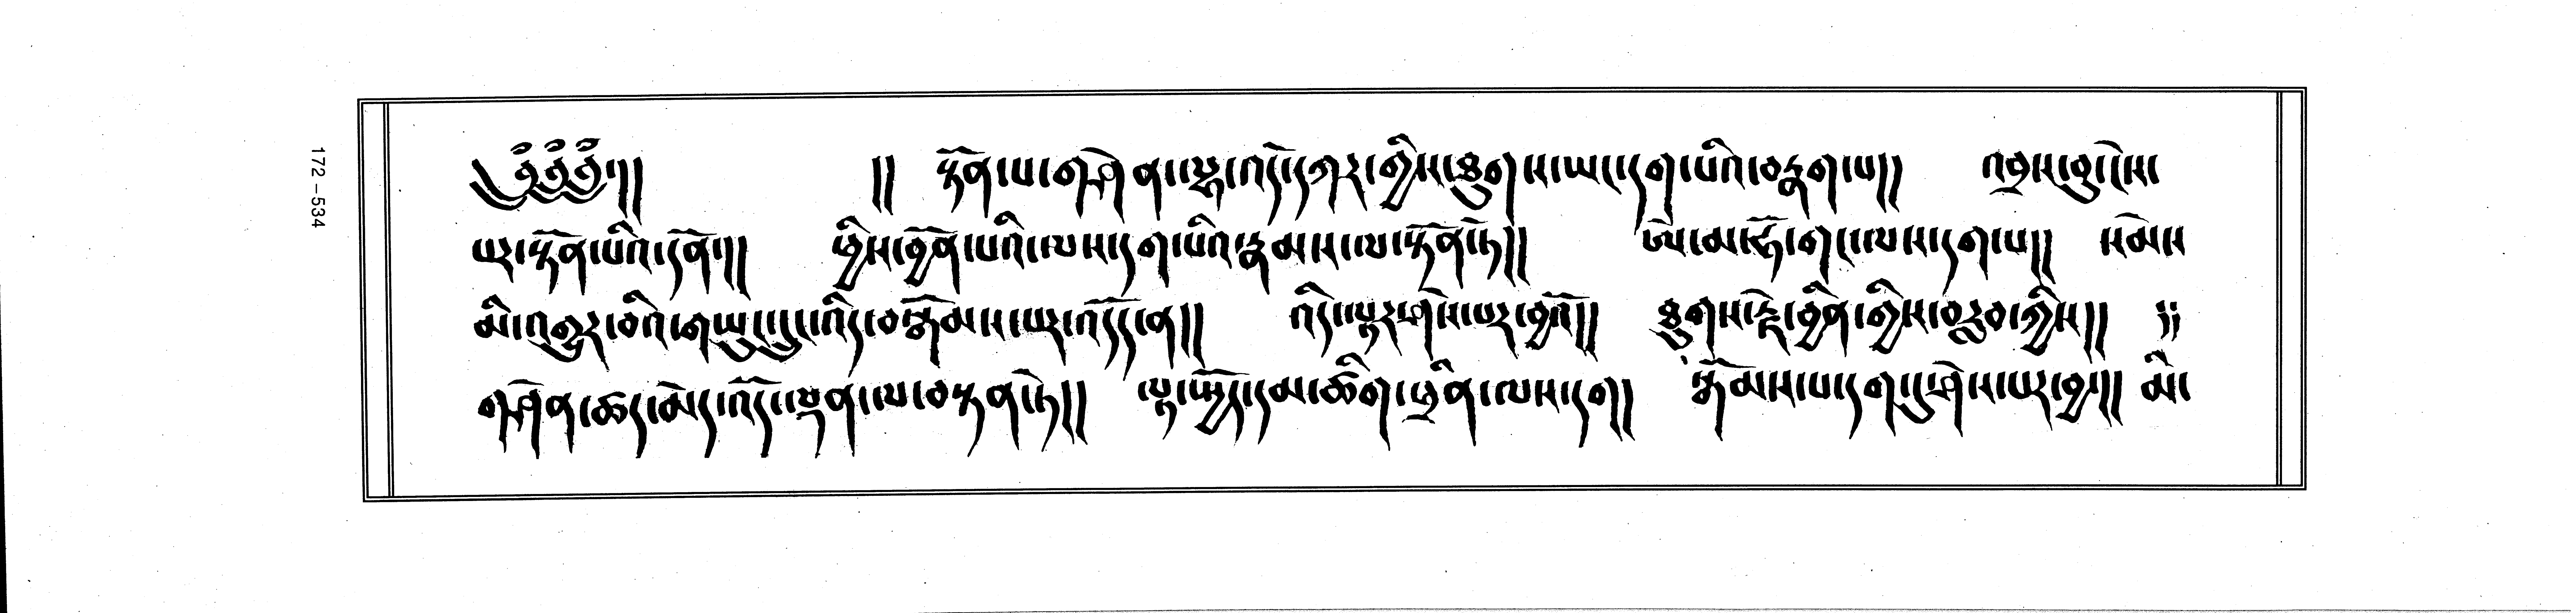༄༅༅།། །།སྟོན་པ་གཤེན་ལྷ་འོད་དཀར་གྱིས་ཐུགས་ཡང་དག་པའི་བརྣག་པ། འབྲས་བུ་ངེས་
པར་སྟོན་པའི་དོན། ཕྱིས་བྱོན་པའི་ལས་དག་པའི་རྣམས་ལ་སྟོན་ཏེ། ཨེ་མ་ཧོ་གང་ལས་དག་པ། སེམས་
མི་འགྱུར་བའི་གཡུང་དྲུང་འདི་བསྒོམས་པར་འདོད་ན། འདི་ལྟར་ཤེས་པར་བྱའོ། ཐུགས་རྗེ་བྱིན་གྱིས་བརླབ་ཀྱིས། 
གཤེན་ཚད་མེད་འོད་ལྡན་ལ་བསྟན་ཏེ། ལྟ་སྤྱོད་དམ་ཚིག་ཕྲིན་ལས་དག སྒོམས་པ་དག་དུ་ཤེས་པར་བྱ། མི་